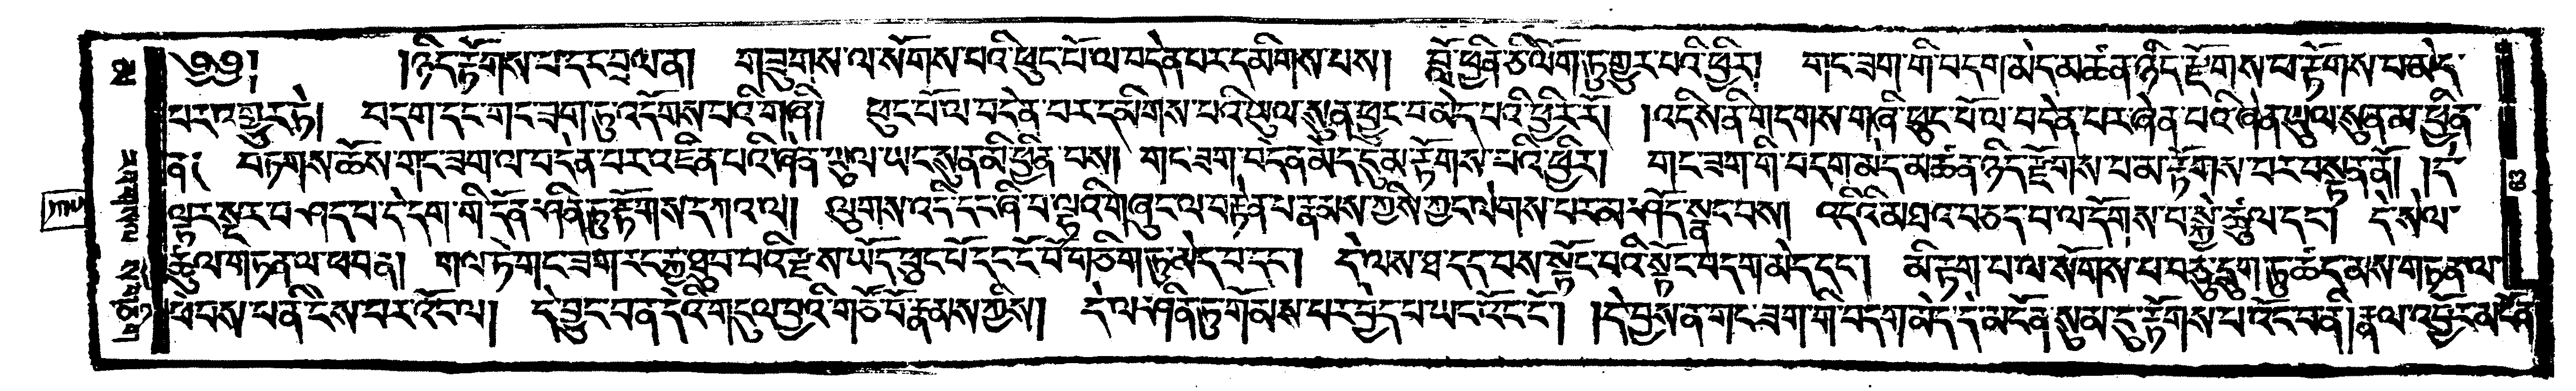༄༅། །ཉིད་རྟོགས་པ་དང་བྲལ་ན། གཟུགས་ལ་སོགས་པའི་ཕུང་པོ་ལ་བདེན་པར་དམིགས་པས། བློ་ཕྱིན་ཅི་ལོག་ཏུ་གྱུར་པའི་ཕྱིར། གང་ཟག་གི་བདག་མེད་མཚན་ཉིད་རྫོགས་པ་རྟོགས་པ་མེད་
པར་འགྱུར་ཏེ། བདག་དང་གང་ཟག་ཏུ་འདོགས་པའི་གཞི། ཕུང་པོ་ལ་བདེན་པར་དམིགས་པའི་ཡུལ་སུན་ཕྱུང་བ་མེད་པས་ཕྱིར་རོ། །འདིས་ནི་གདགས་གཞི་ཕུང་པོ་ལ་བདེན་པར་ཞེན་པའི་ཞེན་ཡུལ་སུན་མ་ཕྱིན་
ན༑ བཏགས་ཆོས་གང་ཟག་ལ་བདེན་པར་འཛིན་པའི་ཞེན་ཡུལ་ཡང་སུན་མི་ཕྱིན་པས། གང་ཟག་བདེན་མེད་དུ་མ་རྟོགས་པའི་ཕྱིར། གང་ཟག་གི་བདག་མེད་མཚན་ཉིད་རྫོགས་པ་མ་རྟོགས་པར་བསྟན་ནོ། །དེ་
ལྟར་སྔར་བཤད་པ་དེ་དག་གི་དོན་ཤིན་ཏུ་རྟོགས་དཀའ་ལ། ལུགས་འདི་དང་ཞི་བ་ལྷའི་གཞུང་ལ་བརྟེན་པ་རྣམས་ཀྱིས་ཀྱང་ལེགས་པར་མ་ཤོད་སྣང་བས། འདིའི་མཐའ་བཅད་པ་ལ་དོགས་པ་སྐྱེ་ཚུལ་དང་། དེ་སེལ་
ཚུལ་གཏན་ལ་ཕབ་ན། གལ་ཏེ་གང་ཟག་རང་རྐྱ་ཐུབ་པའི་རྫས་ཡོད་ཕུང་པོ་དང་ངོ་བོ་གཅིག་ཏུ་མེད་པ་དང་། དེ་ལས་ཐ་དད་པས་སྟོང་པའི་སྟོང་བདག་མེད་དང་། མི་རྟག་པ་ལ་སོགས་པ་བཅུ་དྲུག་ཏུ་ཚད་མས་གཏན་ལ་
ཕེབས་པ་ནི་ངེས་པར་འོང་ལ། དེ་བྱུང་བ་ན་དེའི་གདུལ་བྱའི་གཙོ་བོ་རྣམས་ཀྱིས། དེ་ལ་ཤིན་ཏུ་གོམས་པར་བྱེད་པ་ཡང་འོང་ངོ། །དེ་བྱས་ན་གང་ཟག་གི་བདག་མེད་དེ་མངོན་སུམ་དུ་རྟོགས་པ་འོང་བ་ནི། རྣལ་འབྱོར་མངོན་